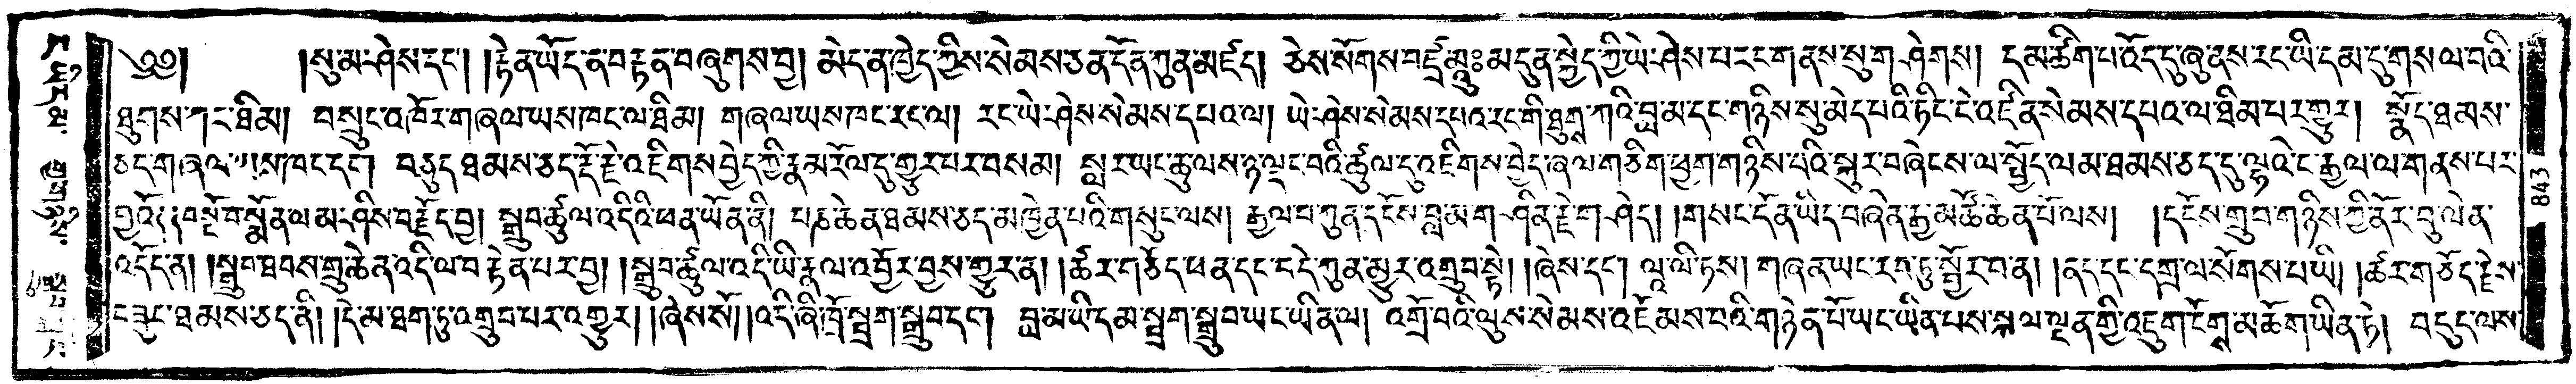༄༅། །སུ་མ་ཤེས་དང་། །རྟེན་ཡོད་ན་བརྟན་བཞུགས་བྱ། མེད་ན་ཁྱེད་ཀྱིས་སེམས་ཅན་དོན་ཀུན་མཛད། ཅེས་སོགས་བཛྲ་མཱུཿ མདུན་སྐྱེད་ཀྱི་ཡེ་ཤེས་པ་རང་གནས་སུ་གཤེགས། དམ་ཚིག་པ་འོད་དུ་ཞུ་ནས་རང་ཡི་དམ་དུ་གསལ་བའི་
ཐུགས་ཀར་ཐིམ། བསྲུང་འཁོར་གཞལ་ཡས་ཁང་ལ་ཐིམ། གཞལ་ཡས་ཁང་རང་ལ། རང་ཡེ་ཤེས་སེམས་དཔའ་ལ། ཡེ་ཤེས་སེམས་དཔའ་རང་གི་ཐུགས་ཀའི་བླ་མ་དང་གཉིས་སུ་མེད་པའི་ཏིང་ངེ་འཛིན་སེམས་དཔའ་ལ་ཐིམ་པར་གྱུར། སྣོད་ཐམས་
ཅད་གཞལ་ཡས་ཁང་དང་། བཅུད་ཐམས་ཅད་རྡོ་རྗེའི་འཇིགས་བྱེད་ཀྱི་རྣམ་རོལ་དུ་གྱུར་པར་བསམ། སླར་ཡང་ཆུ་ལས་ཉ་ལྡང་བའི་ཚུལ་དུ་འཇིགས་བྱེད་ཞལ་གཅིག་ཕྱག་གཉིས་པའི་སྐུར་བཞེངས་ལ་སྤྱོད་ལམ་ཐམས་ཅད་དུ་ལྷའི་ང་རྒྱལ་ལ་གནས་པར་
བྱའོ༑ ༑བསྔོ་བ་སྨོན་ལམ་ཤིས་བརྗོད་བྱ། སྒྲུབ་ཚུལ་འདིའི་ཕན་ཡོན་ནི། པཎ་ཆེན་ཐམས་ཅད་མཁྱེན་པའི་གསུངས་ལས། རྒྱལ་པ་ཀུན་དངོས་བླ་མ་གཤིན་རྗེ་གཤེད། །གསང་དོན་ཡིད་བཞིན་རྒྱ་མཚོ་ཆེན་པོ་ལས། །དངོས་གྲུབ་གཉིས་ཀྱི་ནོར་བུ་ལེན་
འདོད་ན། །སྒྲུབ་ཐབས་གྲུ་ཆེན་འདི་ལ་བརྟེན་པར་བྱ། །སྒྲུབ་ཚུལ་འདི་ཡི་རྣལ་འབྱོར་བྱས་གྱུར་ན། །ཚར་གཅོད་ཕན་དང་བདེ་ཀུན་མྱུར་འགྲུབ་སྟེ། །ཞེས་དང་། ལཱ་ལི་ཏས། གཞན་ཡང་རས་ཏུ་སྦྱོར་བ་ན། །ནང་དང་དགྲ་ལ་སོགས་པ་ཡི། །ཚར་གཅོད་རྗེས་
བཟུང་ཐམས་ཅད་ནི། །དེ་མ་ཐག་ཏུ་འགྲུབ་པར་འགྱུར། །ཞེས་སོ། །འདི་ཞི་ཁྲོ་སྤྲག་སྒྲུབ་དང་། བླ་མ་ཡི་དམ་སྦྲག་སྒྲུབ་ཡང་ཡིན་ལ། འགྲོ་བའི་ལུས་སེམས་འཇོམས་པའི་གཉེན་པོ་ཡང་ཡིན་པས་སྐལ་ལྡན་གྱི་འཇུག་ངོས་མཆོག་ཡིན་ཏེ། བདུད་ལས་